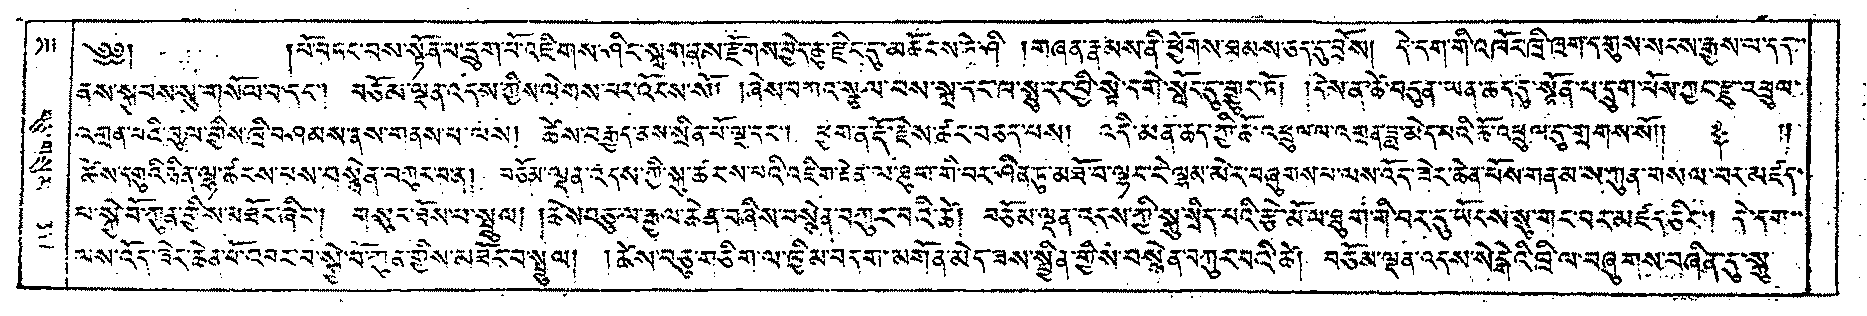༄༅། །པོ་བཏང་བས་སྟོན་པ་དྲུག་པོ་འཇིགས་ཤིང་སྐྲག་ནས་རྫོགས་བྱེད་ཆུ་རྫིང་དུ་མཆོངས་ཏེ་ཤི་།གཞན་རྣམས་ནི་ཕྱོགས་ཐམས་ཅད་དུ་བྲོས། དེ་དག་གི་འཁོར་ཁྲི་ཁྲག་དགུས་སངས་རྒྱས་ལ་དད་
ནས་སྐྱབས་སུ་གསོལ་བ་དང་། བཅོམ་ལྡན་འདས་ཀྱིས་ལེགས་པར་འོངས་སོ། །ཞེས་བཀའ་སྩལ་བས་སྐྲ་དང་ཁ་སྤུ་རང་བྱི་སྟེ་དགེ་སློང་དུ་གྱུར་ཏོ། །དེས་ན་ཚེ་བདུན་ཡན་ཆད་དུ་སྟོན་པ་དྲུག་པོས་ཀྱང་རྫུ་འཕྲུལ་
འགྲན་པའི་ཁུལ་གྱིས་ཁྲི་བཤམས་ནས་གནས་པ་ལས། ཚེས་བརྒྱད་ནས་སྲིན་པོ་ལྔ་དང་། ཕྱག་ན་རྡོ་རྗེས་ཚར་བཅད་པས། འདི་མན་ཆད་ཀྱི་ཆོ་འཕྲུལ་ལ་འགྲན་ཟླ་མེད་པའི་ཆོ་འཕྲུལ་དུ་གྲགས་སོ།། ༈ །།
ཚེས་དགུའི་ཉིན་ལྷ་ཚངས་པས་བསྙེན་བཀུར་བ་ན། བཅོམ་ལྡན་འདས་ཀྱི་སྐུ་ཚངས་པའི་འཇིག་རྟེན་ལ་ཐུག་གི་བར་ཤིན་ཏུ་མཐོ་བ་ལྷང་ངེ་ལྷམ་མེར་བཞུགས་པ་ལས་འོད་ཟེར་ཆེན་པོས་གནམ་ས་ཀུན་གསལ་བར་མཛད་
པ་སྐྱེ་བོ་ཀུན་གྱིས་མཐོང་ཞིང་། གསུང་ཐོས་པ་སྤྲུལ། །ཚེས་བཅུ་ལ་རྒྱལ་ཆེན་བཞིས་བསྙེན་བཀུར་བའི་ཚེ། བཅོམ་ལྡན་འདས་ཀྱི་སྐུ་སྲིད་པའི་རྩེ་མོ་ལ་ཐུག་གི་བར་དུ་ཡོངས་སུ་གང་བར་མཛད་ཅིང་། དེ་དག་
ལས་འོད་ཟེར་ཆེན་པོ་འབར་བ་སྐྱེ་བོ་ཀུན་གྱིས་མཐོང་བ་སྤྲུལ། །ཚེས་བཅུ་གཅིག་ལ་ཁྱིམ་བདག་མགོན་མེད་ཟས་སྦྱིན་གྱིས་བསྙེན་བཀུར་བའི་ཚེ། བཅོམ་ལྡན་འདས་སེངྒེའི་ཁྲི་ལ་བཞུགས་བཞིན་དུ་སྐུ་